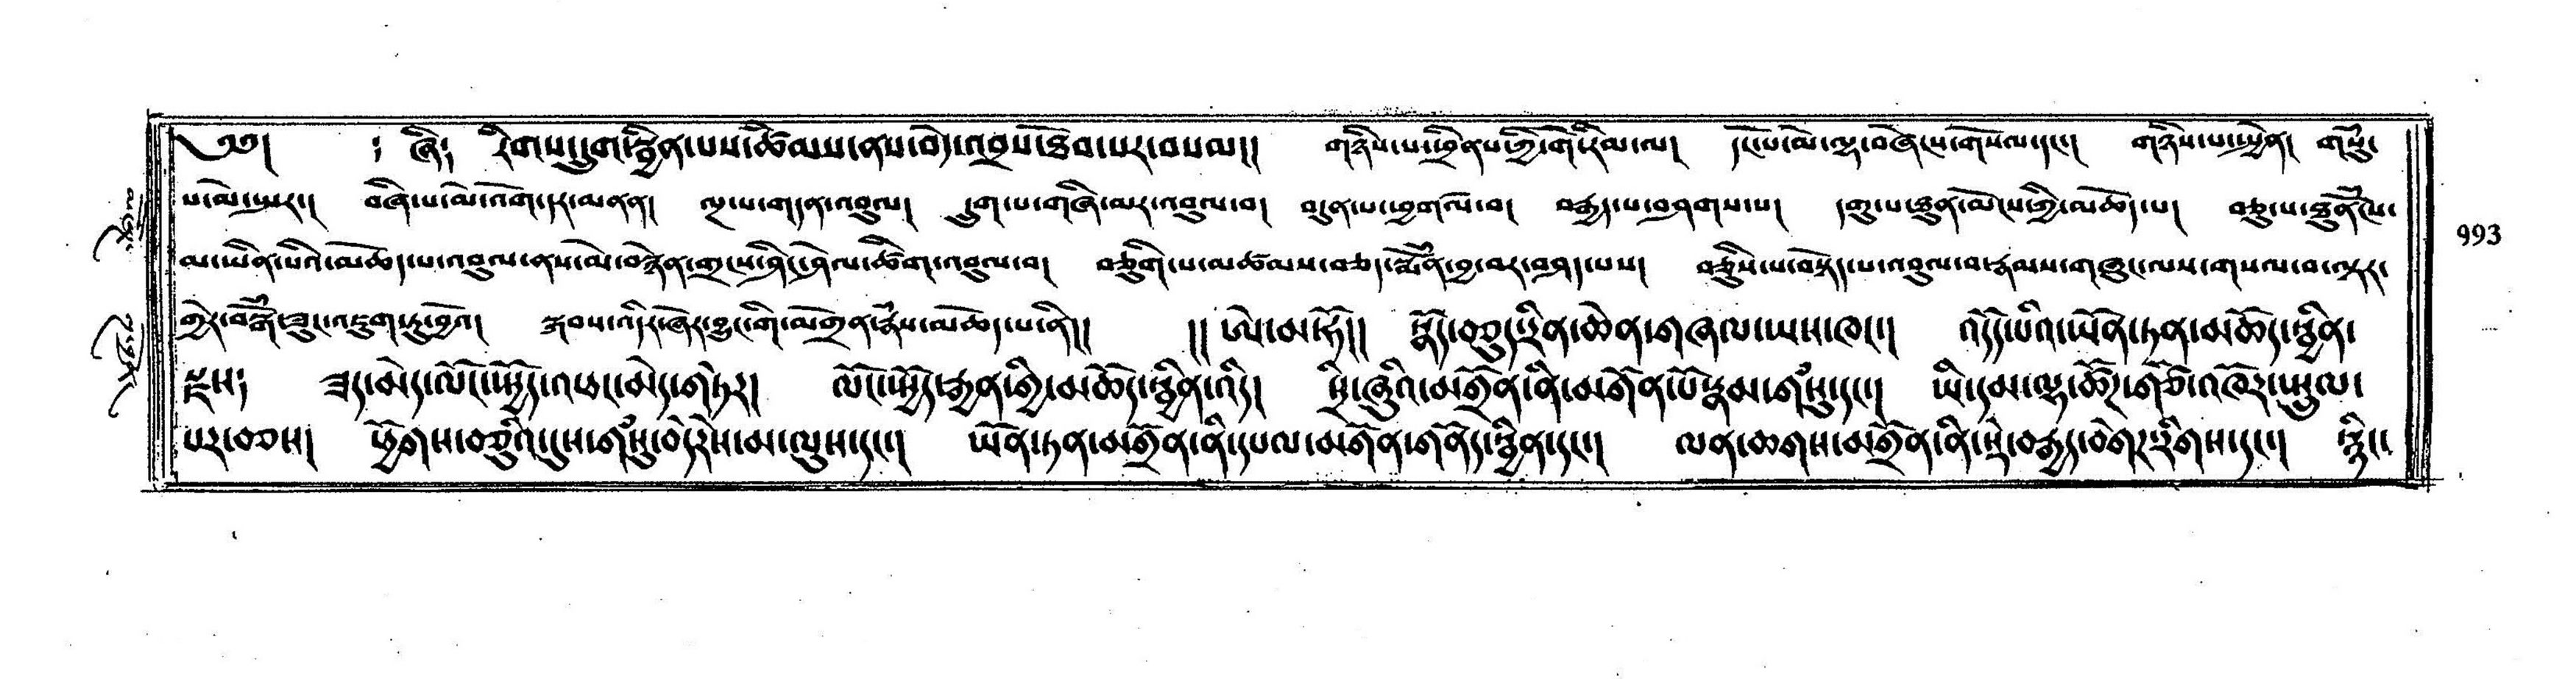ཞི། རིགས་དྲུག་སྦྱིན་པས་ཚིམས་ནས་བདེ་འབྲས་ཐོབ་པར་བསམ།། གཉིས་པ་ཕྲིན་ལས་ཀྱི་གོ་རིམ་ལ། དང་པོ་མེ་ལྷ་བཞེངས་གསོལ་དང་། གཉིས་པ་སྤྱན་འདྲེན། གསུམ་
པ་མེ་སྤར། བཞི་པ་མེ་འགོ་དར་མནན། ལྔ་པ་གདན་འབུལ། དྲུག་པ་གཞི་མར་འབུལ་བ། བདུན་པ་ཕྱག་འཚལ་བ། བརྒྱད་པ་བཤགས་པ། དགུ་པ་ཐུན་མོངས་ཀྱི་མཆོད་པ། བཅུ་པ་ཐུན་མོངས་
མ་ཡིན་པའི་མཆོད་པ་འབུལ་ནས་མེ་བསྙེན་གྲངས་ཤིང་ཤེལ་ཚིག་འབུལ་བ། བཅུ་གཅིག་པ་མཚམས་བཅད་སྨོན་ལམ་བྱ་བར་བཤད་པས། བཅུ་གཉིས་པ་བསྟོད་པ་འབུལ་བ་རྣམས་གཞུང་ལས་གསལ་བ་ལྟར་
གྱེར་བསྒོམ་ཟུང་འཇུག་ཏུ་བྱའོ། སྐབས་འདིར་ཞོར་བྱུང་གི་མགྲོན་རྣམས་མཆོད་པ་ནི།། །།ཨེ་མ་ཧོ།། སྣོད་བཅུད་རིན་ཆེན་གཞལ་ཡས་ཁང་། འདོད་པའི་ཡོན་ཏན་མཆོད་སྦྱིན་
རྫས། ཟད་མེད་ལོངས་སྤྱོད་འཕང་མེད་གཏེར། ལོངས་སྤྱོད་རྒྱན་གྱི་མཆོད་སྦྱིན་འདི། སྲི་ཞུའི་མགྲོན་ནི་མགོན་པོ་རྣམ་གསུམ་དང་། ཡི་དམ་ལྷ་ཚོགས་གཙོ་འཁོར་སྤྲུལ་
པར་བཅས། ཕྱོགས་བཅུའི་དུས་གསུམ་བདེར་གཤེགས་མ་ལུས་དང་། ཡོན་ཏན་མགྲོན་ནི་དཔལ་མགོན་གནོད་སྦྱིན་དང་། ལན་ཆགས་མགྲོན་ནི་སྡེ་བརྒྱད་བགེགས་རིགས་དང་། སྙིང་